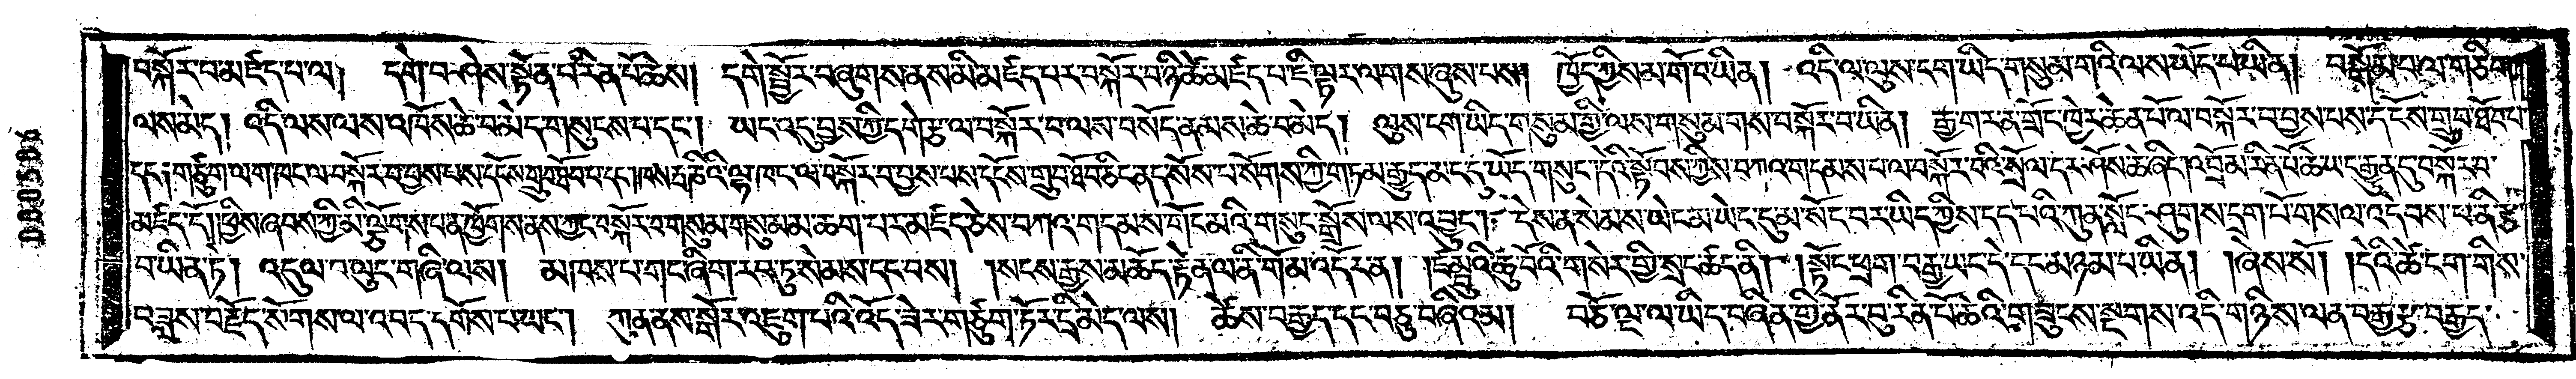བསྐོར་བ་མཛད་པ་ལ། དགེ་བཤེས་སྟོན་པ་རིན་པོ་ཆེས། དགེ་སྦྱོར་བཞུགས་ནས་མི་མཛད་པར་བསྐོར་བ་ཉི་ཚེ་མཛད་པ་ཇི་ལྟར་ལགས་ཞུས་པས། ཁྱོད་ཀྱིས་མགོ་བ་ཡིན། འདི་ལ་ལུས་ངག་ཡིད་གསུམ་གའི་ལས་ཡོད་པ་ཡིན། བསྒོམ་བ་ལ་གཅིག།
ལས་མེད། འདི་ལས་ལས་འཁོས་ཆེ་བ་མེད་གསུངས་པ་དང་། ཡང་འདུ་བྱས་ཀྱི་དགེ་རྩ་ལ་བསྐོར་བ་ལས་བསོད་ནམས་ཆེ་བ་མེད། ལུས་ངག་ཡིད་གསུམ་གྱི་ལས་གསུམ་གས་བསྐོར་བ་ཡིན། རྒྱ་གར་ན་གྲོང་ཁྱེར་ཆེན་པོ་ལ་བསྐོར་བ་བྱས་པས་དངོས་གྲུབ་ཐོབ་པ་
དང༑ གཙུག་ལག་ཁང་ལ་བསྐོར་བ་བྱས་པས་དངོས་གྲུབ་ཐོབ་པ་དང་། །ཁས་རྦ་ཎིའི་ལྷ་ཁང་ལ་བསྐོར་བ་བྱས་པས་དངོས་གྲུབ་ཐོབ་ཅིང་ནད་སོས་པ་སོགས་ཀྱི་གཏམ་རྒྱུད་མང་དུ་ཡོད་གསུང་། དེའི་སྟོབས་ཀྱིས་བཀའ་གདམས་པ་ལ་བསྐོར་བའི་སྲོལ་དར་ཤོས་ཆེ་ཞིང་། འབྲོམ་རིན་པོ་ཆེ་ཡང་རྒྱུན་དུ་བསྐོར་བ་
མཛད་དོ། །ཕྱིས་ཞབས་ཀྱི་མི་ལྕོགས་བན་ཁྱོགས་ནས་ཀྱང་བསྐོར་བ་གསུམ་གསུམ་མ་ཆག་བར་མཛད་ཅེས་བཀའ་གདམས་གོང་མའི་གསུང་སྒྲོས་ལས་འབྱུང་། དེས་ན་སེམས་ཡེང་མ་ཡེང་དུ་མ་སོང་བར་ཡིད་ཀྱིས་དད་པའི་ཀུན་སློང་ཤུགས་དྲག་པོ་གསལ་འདེབས་པ་ནི་རྩ་
བ་ཡིན་ཏེ། འདུལ་བ་ལུང་གཞི་ལས། མཁས་པ་གང་ཞིག་རབ་ཏུ་སེམས་དང་བས། །སངས་རྒྱས་མཆོད་རྟེན་ལ་ནི་གོ་མ་འདོར་ན། །ཛམྦུའི་ཆུ་བོའི་གསེར་གྱི་སྲང་ཚད་ནི། །སྟོང་ཕྲག་བརྒྱ་ཡང་དེ་དང་མཉམ་བ་ཡིན། །ཞེས་སོ། །དེའི་ཚེ་ངག་གིས་
བཟླས་བརྗོད་སོགས་ལ་འབད་དགོས་པ་ཡང་། ཀུན་ནས་སྒོར་འཇུག་པའི་འོད་ཟེར་གཙུག་ཏོར་དྲི་མེད་ལས། ཚེས་བརྒྱད་དང་བཅུ་བཞིའམ། བཅོ་ལྔ་ལ་ཡིད་བཞིན་གྱི་ནོར་བུ་རིན་པོ་ཆེའི་གཟུངས་སྔགས་འདི་གཉིས་ལན་བརྒྱ་རྩ་བརྒྱད་